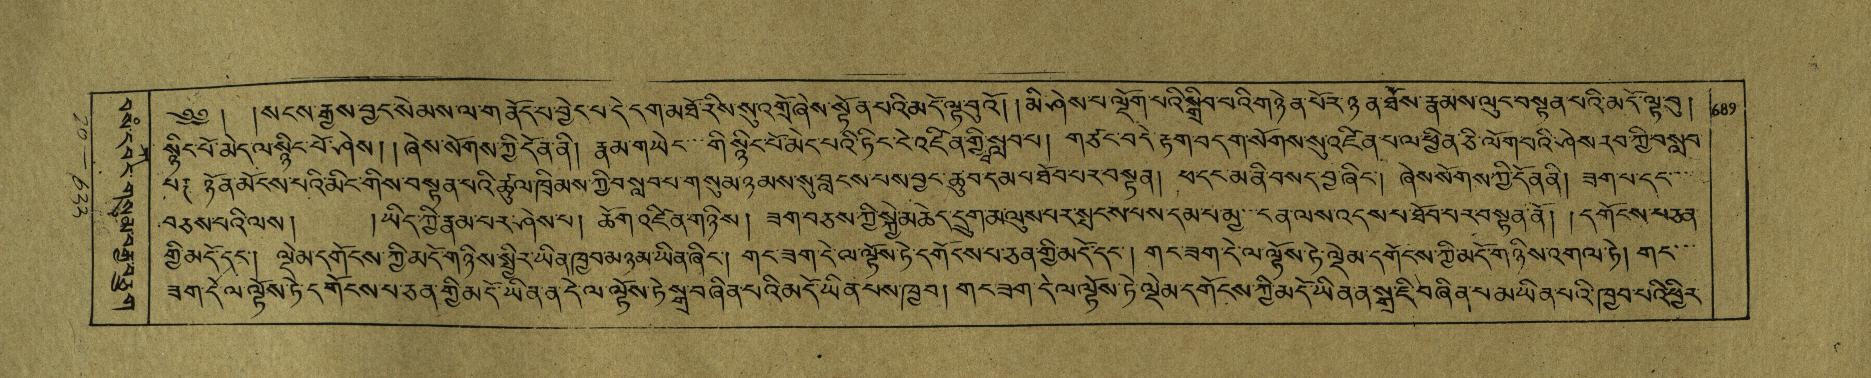༄༅། །སངས་རྒྱས་བྱང་སེམས་ལ་གནོད་པ་བྱེད་པ་དེ་དག་མཐོ་རིས་སུ་འགྲོ་ཞེས་སྟོན་པའི་མདོ་ལྟ་བུའོ། །མི་ཤེས་པ་ལྡོག་པའི་སྒྲིབ་པའི་གཉེན་པོར་ཉན་ཐོས་རྣམས་ལུང་བསྟན་པའི་མདོ་ལྟ་བུ།
སྙིང་པོ་མེད་ལ་སྙིང་པོ་ཤེས། །ཞེས་སོགས་ཀྱི་དོན་ནི། རྣམ་གཡེང་གི་སྙིང་པོ་མེད་པའི་ཏིང་ངེ་འཛིན་གྱི་བ་སླབ་པ། གཙང་བདེ་རྟག་བདག་སོགས་སུ་འཛིན་པ་ལ་ཕྱིན་ཅི་ལོག་པའི་ཤེས་རབ་ཀྱི་བསླབ་
པ༑ ཉོན་མོངས་པའི་མིང་གིས་བསྟན་པའི་ཚུལ་ཁྲིམས་ཀྱི་བསླབ་པ་གསུམ་ཉམས་སུ་བླངས་པས་བྱང་ཆུབ་དམ་པ་ཐོབ་པར་བསྟན། ཕ་དང་མ་ནི་བསད་བྱ་ཞིང་། ཞེས་སོགས་ཀྱི་དོན་ནི། ཟག་པ་དང་
བཅས་པའི་ལས། །ཡིད་ཀྱི་རྣམ་པར་ཤེས་པ། ཆོག་འཛིན་གཉིས། ཟག་བཅས་ཀྱི་སྐྱེ་མཆེད་དྲུག་མ་ལུས་པར་སྤངས་པས་དམ་པ་མྱ་ངན་ལས་འདས་པ་ཐོབ་པར་བསྟན་ནོ། །དགོངས་པ་ཅན་
གྱི་མདོ་དང་། ལྡེམ་དགོངས་ཀྱི་མདོ་གཉིས་སྤྱིར་ཡིན་ཁྱབ་མཉམ་ཡིན་ཞིང་། གང་ཟག་དེ་ལ་ལྟོས་ཏེ་དགོངས་པ་ཅན་གྱི་མདོ་དང་། གང་ཟག་དེ་ལ་ལྟོས་ཏེ་ལྡེམ་དགོངས་ཀྱི་མདོ་གཉིས་འགལ་ཏེ། གང་
ཟག་དེ་ལ་ལྟོས་ཏེ་དགོངས་པ་ཅན་གྱི་མདོ་ཡིན་ན་དེ་ལ་ལྟོས་ཏེ་སྒྲ་བཞིན་པའི་མདོ་ཡིན་པས་ཁྱབ། གང་ཟག་དེ་ལ་ལྟོས་ཏེ་ལྡེམ་དགོངས་ཀྱི་མདོ་ཡིན་ན་སྒྲ་ཇི་བཞིན་པ་མ་ཡིན་པའི་ཁྱབ་པའི་ཕྱིར་